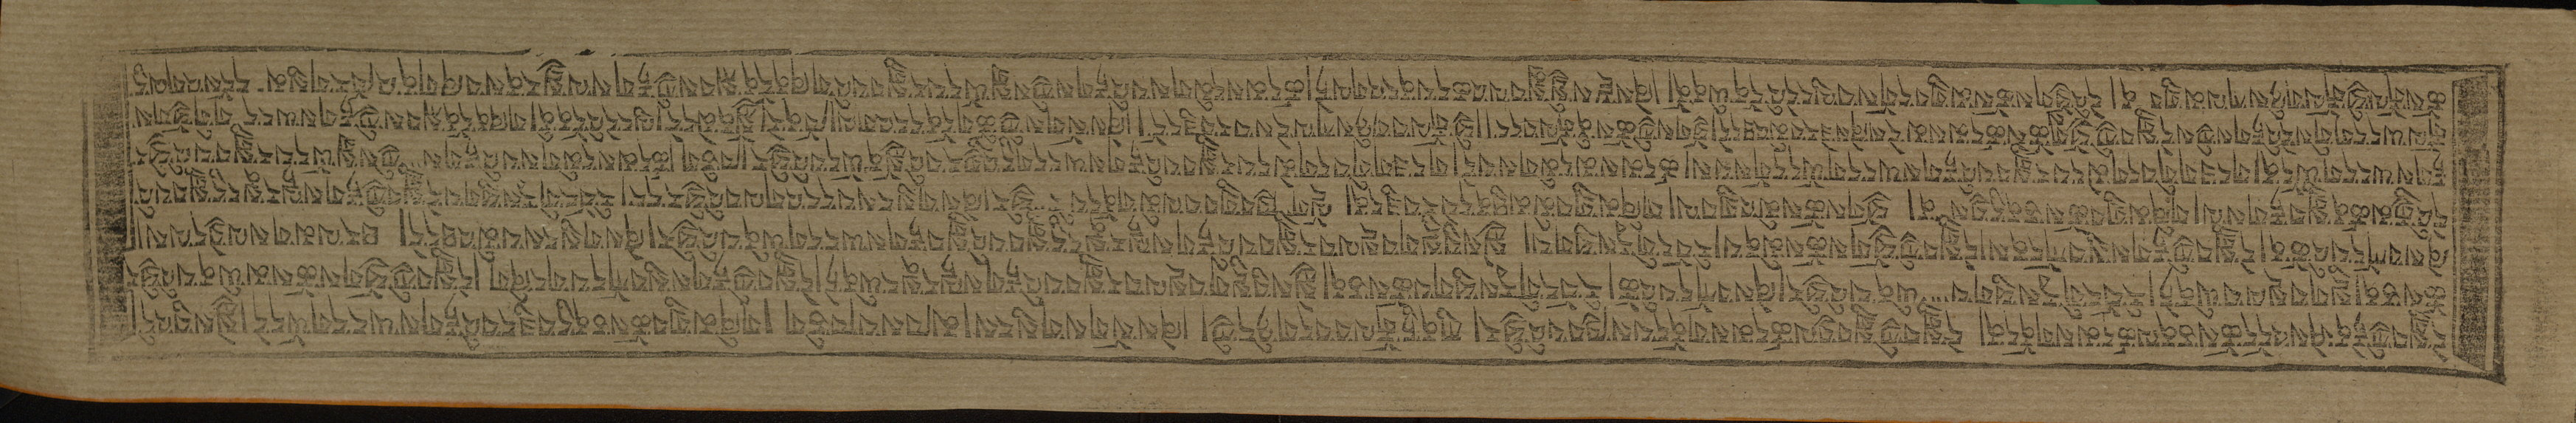དེ་སྒྲུབ་ཀྱི་རྟེན་ཤེས་འདོད་ཆོས་ཅན་ལ་ཚད་མས་གནོད་ན། དེ་སྒྲུབ་ཀྱི་བསྒྲུབ་བྱ་ལ་ཚད་མས་གནོད་པས་ཁྱབ་པའི་ཕྱིར། ཀུན་ཏུ་རྒོལ་བ་བདག་ཉིད་ཀྱི། །ཞེས་སོགས་གསུངས། མཁས་པ་ཁ་ཅིག །གཞི་མ་གྲུབ་ཆོས་ཅན་དུ་བཟུང་བའི་རྟགས་ཡང་དག་ཡོད་དེ། སྐྱེས་བུ་འདི་
ཆོས་ཅན། སྡུག་བསྔལ་བ་ཡིན་ཏེ། རི་བོང་གི་རྭས་ཕུག་པ་ཡིན་པའི་ཕྱིར། ཞེས་བཀོད་པའི་ཚེ། རི་བོང་གི་རྭས་ཕུག་པ་ཆོས་ཅན། སྐྱེས་བུ་སྡུག་བསྔལ་བར་སྒྲུབ་པའི་རྟགས་ལྟར་སྣང་ཡིན་ཏེ། དེ་སྒྲུབ་ཀྱི་རྟགས་སུ་བཀོད་པ་གང་ཞིག །དེ་སྒྲུབ་ཀྱི་ཕྱོགས་ཆོས་མ་ཡིན་པའི་ཕྱིར་
ཞེས་བཀོད་པའི་ཚེ་ན། དེ་སྒྲུབ་ཀྱི་རྟགས་སུ་བཀོད་ནས། དེ་སྒྲུབ་ཀྱི་ཕྱོགས་ཆོས་མིན་པ། རི་བོང་གི་རྭས་ཕུག་པ། སྐྱེས་བུ་སྡུག་བསྔལ་བར་སྒྲུབ་པའི་རྟགས་ལྟར་སྣང་དུ་སྒྲུབ་པའི་སྒྲུབ་རྟགས་ཡང་དག་ཡིན་པའི་ཕྱིར། ཞེས་གསུངས་པ་མི་འཐད་དེ། ཐར་ལམ་གསལ་བྱེད་ལས།
དེའི་རྒྱུ་མཚན་སྒྲུབ་རྟགས་ལ། གཞི་མ་གྲུབ་ཆོས་ཅན་དུ་བྱས་ན། ཕྱོགས་ཆོས་མི་འགྲུབ་ལ། གཞི་མ་གྲུབ་མི་མཐུན་དཔེར་བཟུང་ན། ལྡོག་ཁྱབ་གྲུབ་བ་ལ་མི་གནོད་པའི་ཕྱིར། ཞེས་གསུངས་པ་དང་འགལ་བའི་ཕྱིར་དང་། རི་བོང་གི་རྭས་ཕུག་པ་དེ་སྒྲུབ་ཀྱི་རྟགས་ལྟར་སྣང་དུ་སྒྲུབ་པའི་
རྟགས་ཡང་དག་ཡོད་ན། གང་ཟག་གི་བདག་མེད་པར་སྒྲུབ་པའི་རྟགས་ཡང་དག་ཡོད་དགོས་པས། ཚད་མས་མ་དམིགས་པ་དེ། གང་ཟག་གི་བདག་མེད་པར་སྒྲུབ་པའི་རྟགས་ཡང་དག་དུ་འགྱུར་བའི་སྐྱོན་ཡོད་པའི་ཕྱིར། ཁ་ཅིག །ཚད་མས་དམིགས་པའི་རྟགས་ཀྱིས་སྒྲ་ཡོད་པར་སྒྲུབ་པའི་ཕྱིར་
རྒོལ་ཡང་དག་གིས་དེའི་རྟགས་ཀྱིས་དེ་སྒྲུབ་ཀྱི་ཕྱོགས་ཆོས་ཚད་མས་མ་ངེས་ཞེས་ཟེར་བ་མི་འཐད་དེ། ཕྱོགས་ཀྱི་ཆོས་ནི་རྒོལ་བ་དང་། །ཕྱི་རྒོལ་བ་གཉིས་ཀ་ལ་ངེས་བར་བཟུང་ངོ། །ཞེས་སོགས་ཀྱི་ཚིག་དོན་དང་འགལ། ཁོ་ན་རེ། སྐྱོན་མེད་དེ། ལུང་དེའི་དོན་ནི། གཞན་དོན་སྐབས་ཀྱི་རྟགས་ཡང་དག་གི་ཕྱོགས་
ཆོས་རྒོལ་ཕྱི་རྒོལ་གཉིས་ཀ་ལ་མ་གྲུབ་ན། དེའི་ཕྱོགས་ཆོས་མ་གྲུབ་དགོས་བ་ལུང་དེའི་དོན་ཡིན་ནོ། །ཞེས་རྫས་སྤྱི་སྨྲ་བ་ལ་འཆད་པ་ནང་འགལ་ཏེ། ཚད་མས་དམིགས་པའི་རྟགས་ཀྱིས་སྒྲ་ཡོད་པར་སྒྲུབ་པའི་གཞན་དོན་སྐབས་ཀྱི་རྟགས་ལ་སྦྱར་ནས་བཞག་ན་འཁོར་གསུམ་དངོས་འགལ་དུ་